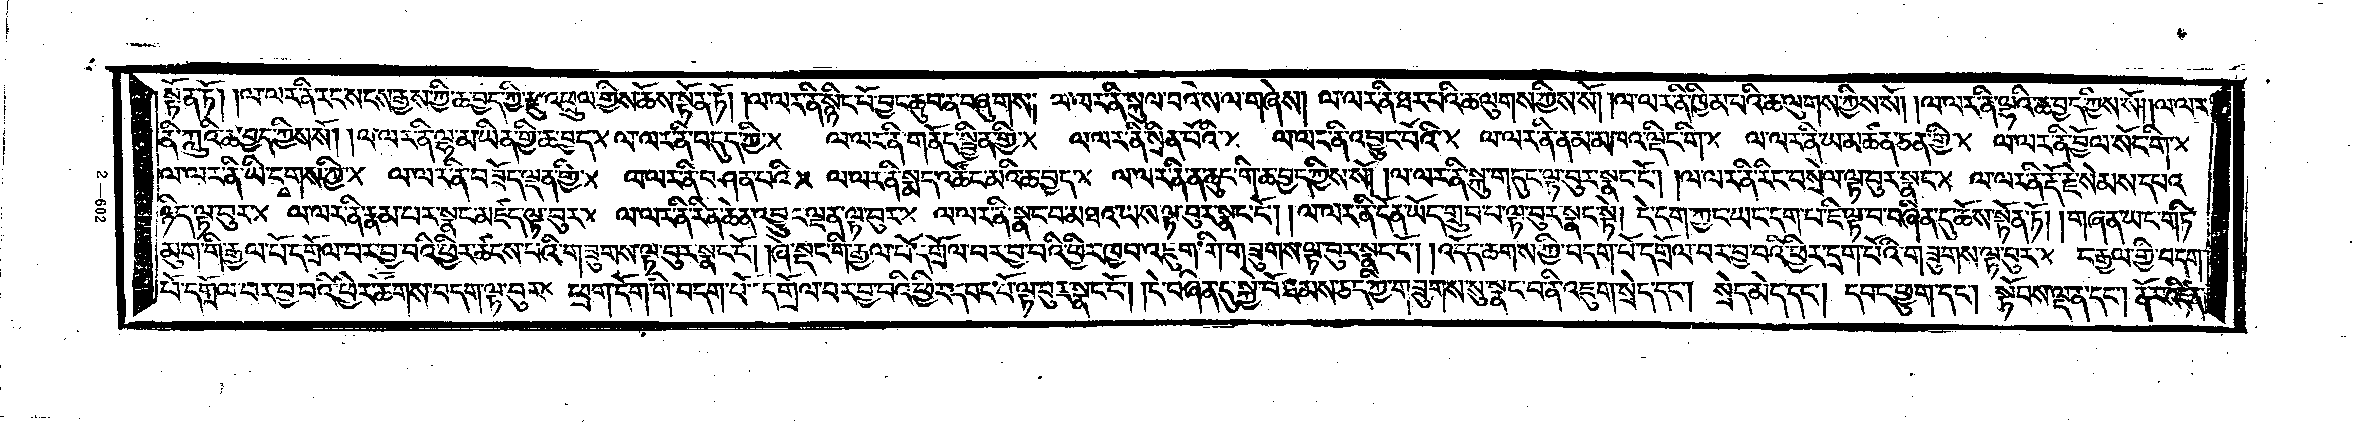སྟོན་ཏོ། །ལ་ལར་ནི་རང་སངས་རྒྱས་ཀྱི་ཆ་བྱད་ཀྱི་རྫུ་འཕྲུལ་གྱིས་ཆོས་སྟོན་ཏོ། །ལ་ལར་ནི་སྙིང་པོ་བྱང་ཆུབ་ན་བཞུགས། ལ་ལར་ནི་སྐུལ་བའི་ས་ལ་གཞེས། ལ་ལར་ནི་ཐར་བའི་ཆ་ལུགས་ཀྱིས་སོ། །ལ་ལར་ནི་ཁྱིམ་པའི་ཆ་ལུགས་ཀྱིས་སོ། །ལ་ལར་ནི་ལྷའི་ཆ་བྱད་ཀྱིས་སོ། །ལ་ལར་
ནི་ཀླུའི་ཆ་བྱད་ཀྱིས་སོ། །ལ་ལར་ནི་ལྷ་མ་ཡིན་གྱི་ཆ་བྱད་྾་ལ་ལར་ནི་བདུད་ཀྱི་྾་ལ་ལར་ནི་གནོད་སྦྱིན་གྱི་྾་ལ་ལར་ནི་སྲིན་པོའི་྾་ལ་ལར་ནི་འབྱུང་བོའི་྾་ལ་ལར་ནི་ནམ་མཁའ་ལྡིང་གི་྾་ལ་ལར་ནི་ཡ་མཚན་ཅན་གྱི་྾་ལ་ལར་ནི་བྱོལ་སོང་གི་྾་
ལ་ལར་ནི་ཡི་དྭགས་ཀྱི་྾་ལ་ལར་ནི་བཟོད་ལྡན་གྱི་྾་ལ་ལར་ནི་བཤན་པའི་྾་ལ་ལར་ནི་སྨད་འཚོང་མའི་ཆ་བྱད་྾་ལ་ལར་ནི་ན་ཆུང་གི་ཆ་བྱད་ཀྱིས་སོ། །ལ་ལར་ནི་སྐུ་གདུང་ལྟ་བུར་སྣང་ངོ། །ལ་ལར་ནི་རིང་བསྲེལ་ལྟ་བུར་སྣང་྾་ལ་ལར་ནི་རྡོ་རྗེ་སེམས་དཔའ་
ཉིད་ལྟ་བུར་྾་ལ་ལར་ནི་རྣམ་པར་སྣང་མཛད་ལྟ་བུར་྾་ལ་ལར་ནི་རིན་ཆེན་འབྱུང་ལྡན་ལྟ་བུར་྾་ལ་ལར་ནི་སྣང་བ་མཐའ་ཡས་ལྟ་བུར་སྣང་ངོ། །ལ་ལར་ནི་དོན་ཡོད་གྲུབ་པ་ལྟ་བུར་སྣང་སྟེ། དེ་དག་ཀྱང་ཡང་དག་པ་ཇི་ལྟ་བ་བཞིན་དུ་ཆོས་ཏོན་ཏོ། །གཞན་ཡང་གཏི་
མུག་གི་རྒྱལ་པོ་དགྲོལ་བར་བྱ་བའི་ཕྱིར་ཚངས་པའི་གཟུགས་ལྟ་བུར་སྣང་ངོ། །ཞེ་སྡང་གི་རྒྱལ་པོ་དགྲོལ་བར་བྱ་བའི་ཕྱིར་ཁྱབ་འཇུག་གི་གཟུགས་ལྟ་བུར་སྣང་ངོ། །འདོད་ཆགས་ཀྱི་བདག་པོ་དགྲོལ་བར་བྱ་བའི་ཕྱིར་དྲག་པོའི་གཟུགས་ལྟ་བུར་྾་ང་རྒྱལ་གྱི་བདག་
པོ་དགྲོལ་བར་བྱ་བའི་ཕྱིར་ཚོགས་བདག་ལྟ་བུར་྾་ཕྲག་དོག་གི་བདག་པོ་དགྲོལ་བར་བྱ་བའི་ཕྱིར་དབང་པོ་ལྟ་བུར་སྣང་ངོ། །དེ་བཞིན་དུ་སྐྱེ་བོ་ཐམས་ཅད་ཀྱི་གཟུགས་སུ་སྣང་བ་ནི་འཇུག་སྲེད་དང་། སྲེད་མེད་དང་། དབང་ཕྱུག་དང་། སྟོབས་ལྡན་དང་། ནོར་འཛིན་